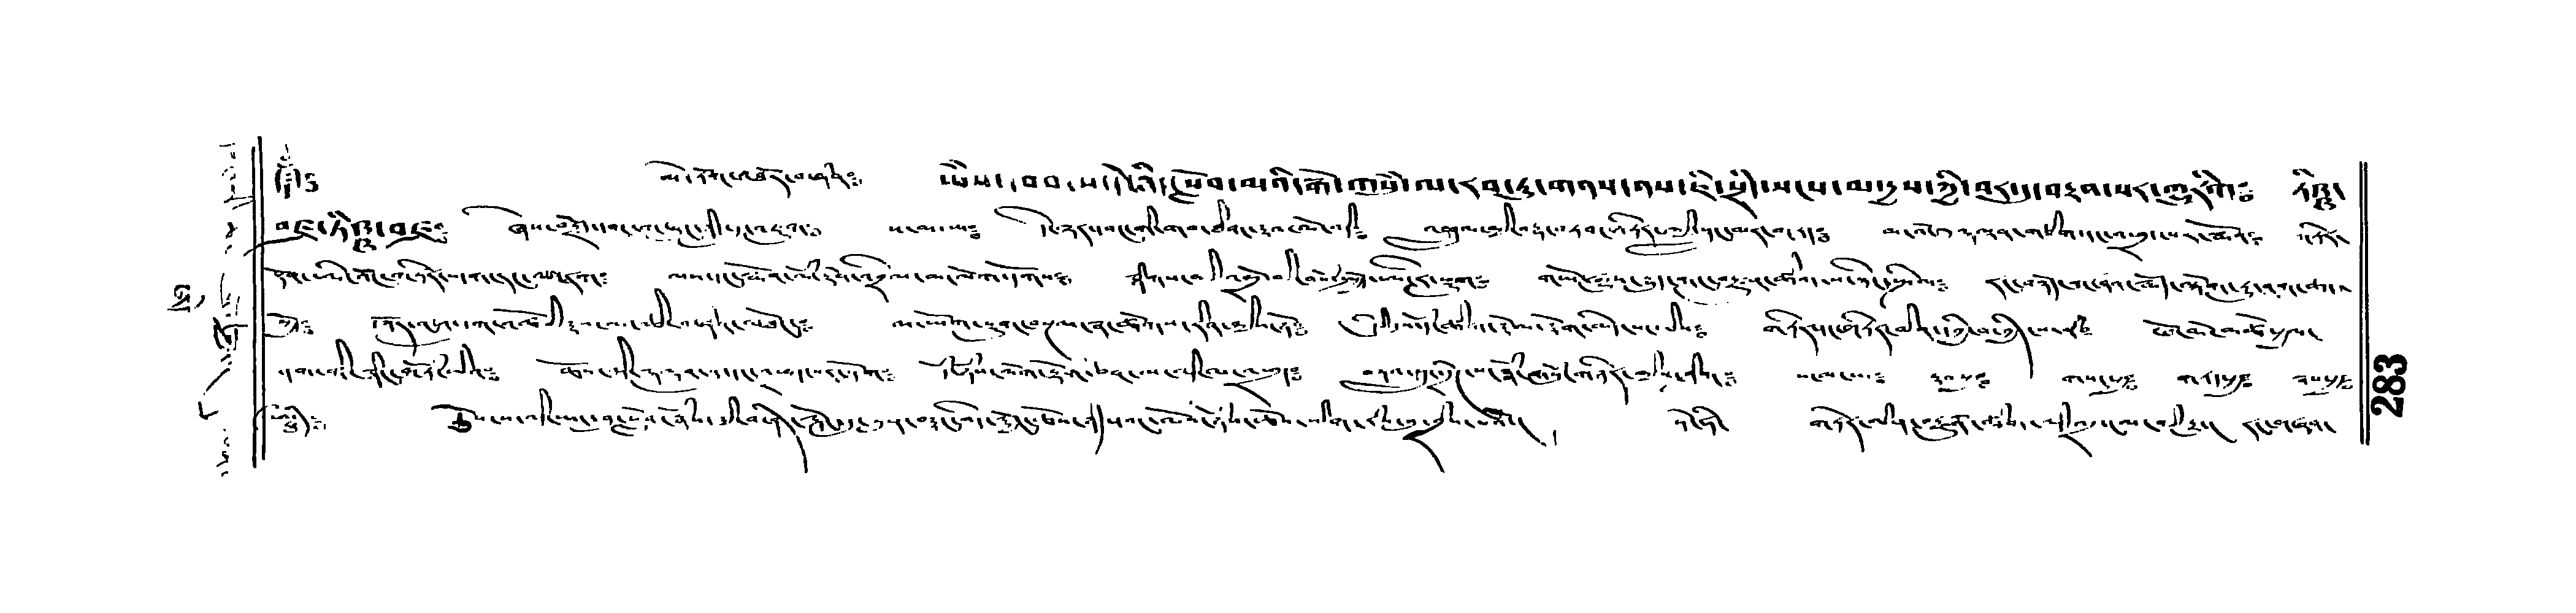མེ་ཏོག་འཐོར་བཞིན༔ ཡེ་ཤེས་དབབ་པ་དེ་ཉིད་སློབ་མའི་སྒོ་གསུམ་ལ་རབ་ཏུ་གནས་ནས་ཇི་སྲིད་སངས་མ་རྒྱས་ཀྱི་བར་དུ་བརྟན་པར་གྱུར་ཅིག༔ ཏིཥྛ་
བཛྲ་ཏིཥྛ་བཛྲཿ ཞེས་བརྗོད་དབང་གཞུང་ཉིད་དུ་འཇུག༔ ས་མ་ཡ༔ དེ་ལྟར་དབང་གི་གབ་ཐིག་ཟབ་མོ་འདི༔ འཕྲུལ་གྱི་བརྡ་བཏབ་གཏེར་གྱི་སྲུང་མར་གཏད༔ མ་འོངས་སྐལ་ལྡན་གཅིག་དང་འཕྲད་པར་སྨོན༔ གཏེར་
སྟོན་ཨེ་འོང་གཏེར་བདག་རང་ལ་རག༔ ལས་དང་སྨོན་ལམ་རྟེན་འབྲེལ་མ་ལོག་དགོས༔ སྙིགས་མའི་འགྲོ་བའི་བསམ་སྤྱོད་ཨ་རེ་སྡུག༔ གཡོ་སྒྱུས་རྒྱུད་གང་བརྫུན་ཚིག་ས་སྟེང་སྤེལ༔ རང་བསྟོད་གཞན་སྨོད་ལྐོག་ཏུ་ནག་ཆང་
སྤྱོད༔ དཀོར་ནག་དུག་འཚོའི་ཟས་ལ་རྩི་བཞིན་མཐོང༔ ལ་ཡོག་སྡུག་བསྔལ་སྣ་ཚོགས་རིན་གྱིས་ཉོ༔ དེའི་དུས་དམ་ཚིག་ཟོལ་ཟོག་མེད་པ་ཡིས༔ གཏེར་དང་གཏེར་མིན་དབྱེ་བ་འབྱེད་པ་ནི༔ ཁོ་མོ་མཚོ་རྒྱལ་
བདག་གི་སྙིང་གཏམ་ཡིན༔ ཆོས་འདི་སྐལ་ལྡན་བུ་དང་འཕྲད་པར་ཤོག༔ དམ་ཉམས་ལོག་རྟོག་ཅན་ལ་འདི་མ་འཕྲད༔ བཀའ་སྲུང་དྲེགས་པ་རྣམ་གསུམ་གཉེར་གྱིས་ཤིག༔ ས་མ་ཡ༔ ཟབ་རྒྱ༔ གསང་རྒྱ༔ གཏད་རྒྱ༔ སྦས་རྒྱ༔ ༔ 
ཅེས་པ་འདི་ཡང་བུ་སློབ་རྣམས་ཀྱི་བཞེད་སྐོང་དུ་ཀུན་བཟང་བདེ་སྐྱོང་ཆོས་ཉིད་དབང་མོས་ཉམས་ཆོས་ཡིག་རིས་སུ་བྲིས་པའོ།།ཧེ་ཧེ། གཏེར་མིན་བརྫུན་ཚིག་འདི་འདྲ་ངལ་བའི་རྒྱུ། །རང་གཞན་